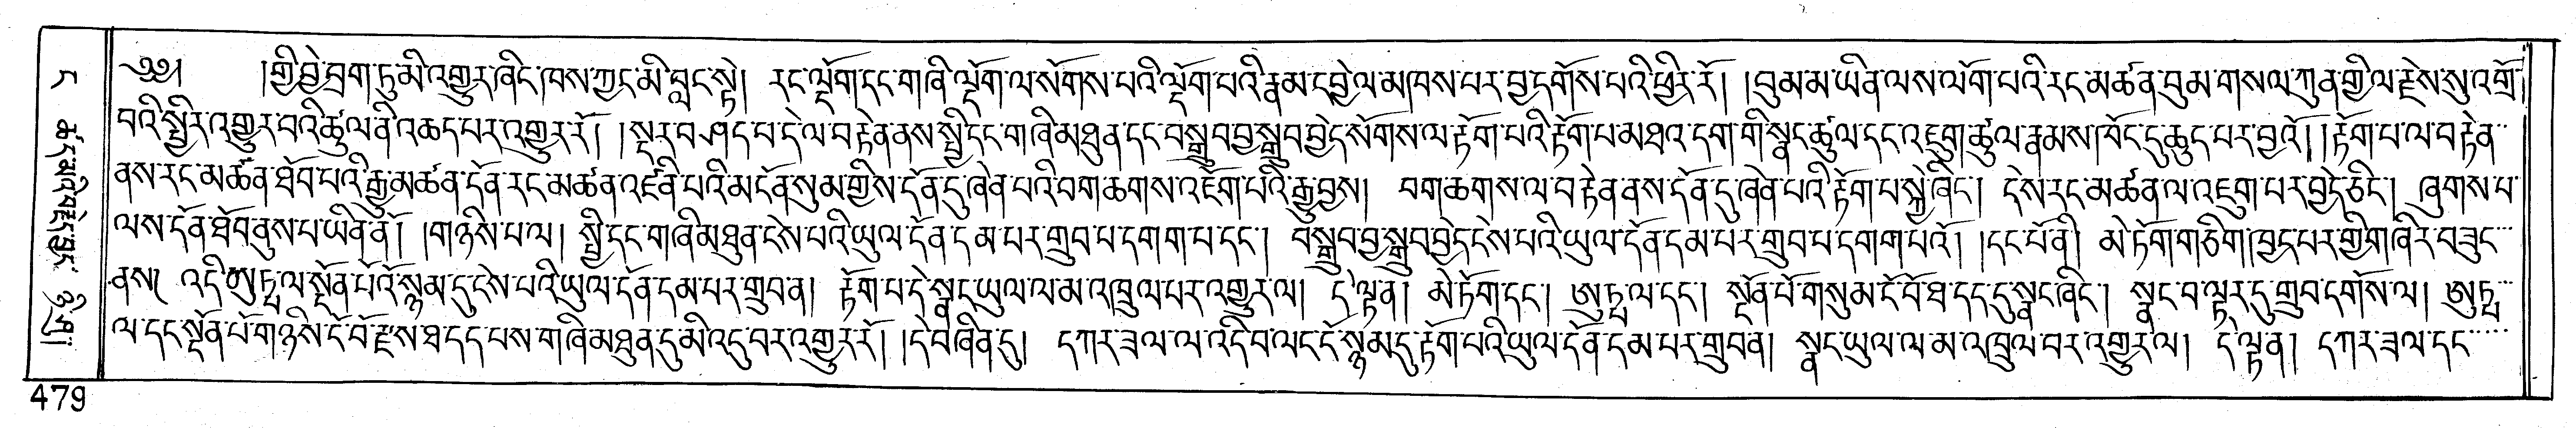༄༅། །གྱི་བྱེ་བྲག་ཏུ་མི་འགྱུར་ཞིང་ཁས་ཀྱང་མི་བླང་སྟེ། རང་ལྡོག་དང་གཞི་ལྡོག་ལ་སོགས་པའི་ལྡོག་པའི་རྣམ་དབྱེ་ལ་མཁས་པར་བྱ་དགོས་པའི་ཕྱིར་རོ། །བུམ་མ་ཡིན་ལས་ལོག་པའི་རང་མཚན་བུམ་གསལ་ཀུན་གྱི་ལ་རྗེས་སུ་འགྲོ་
བའི་སྤྱིར་འགྱུར་བའི་ཚུལ་ནི་འཆད་བར་འགྱུར་རོ། །སྔར་བཤད་པ་དེ་ལ་བརྟེན་ནས་སྤྱི་དང་གཞི་མཐུན་དང་བསྒྲུབ་བྱ་སྒྲུབ་བྱེད་སོགས་ལ་རྟོག་པའི་རྟོག་པ་མཐའ་དག་གི་སྣང་ཚུལ་དང་འཇུག་ཚུལ་རྣམས་ཁོང་དུ་ཆུད་པར་བྱའོ། །རྟོག་པ་ལ་བརྟེན་
ནས་རང་མཚན་ཐོབ་པའི་རྒྱུ་མཚན་དོན་རང་མཚན་འཛིན་པའི་མངོན་སུམ་གྱིས་དོན་དུ་ཞེན་པའི་བག་ཆགས་འཇོག་པའི་རྒྱུ་བྱས། བག་ཆགས་ལ་བརྟེན་ནས་དོན་དུ་ཞེན་བའི་རྟོག་པ་སྐྱེ་ཞིང་། དེས་རང་མཚན་ལ་འཇུག་པར་བྱེད་ཅིང་། ཞུགས་པ་
ལས་དོན་ཐོབ་ནུས་པ་ཡིན་ནོ། །གཉིས་པ་ལ། སྤྱི་དང་གཞི་མཐུན་ངེས་པའི་ཡུལ་དོན་དམ་པར་གྲུབ་པ་དགག་པ་དང་། བསྒྲུབ་བྱ་སྒྲུབ་བྱེད་ངེས་པའི་ཡུལ་དོན་དམ་པར་གྲུབ་པ་དགག་པའོ། །དང་པོ་ནི། མེ་ཏོག་གཅིག་ཁྱད་པར་གྱི་གཞིར་བཟུང་
ནས༑ འདི་ཨུཏྤ་ལ་སྔོན་པོའོ་སྙམ་དུ་ངེས་པའི་ཡུལ་དོན་དམ་པར་གྲུབ་ན། རྟོག་པ་དེ་སྣང་ཡུལ་ལ་མ་འཁྲུལ་པར་འགྱུར་ལ། དེ་ལྟ་ན། མེ་ཏོག་དང་། ཨུཏྤ་ལ་དང་། སྔོན་པོ་གསུམ་ངོ་བོ་ཐ་དད་དུ་སྣང་ཞིང་། སྣང་བ་ལྟར་དུ་གྲུབ་དགོས་ལ། ཨུཏྤ་
ལ་དང་སྔོན་པོ་གཉིས་ངོ་བོ་རྫས་ཐ་དད་པས་གཞི་མཐུན་དུ་མི་འདུ་བར་འགྱུར་རོ། །དེ་བཞིན་དུ། དཀར་ཟལ་ལ་འདི་བ་ལང་ངོ་སྙམ་དུ་རྟོག་པའི་ཡུལ་དོན་དམ་པར་གྲུབ་ན། སྣང་ཡུལ་ལ་མ་འཁྲུལ་བར་འགྱུར་ལ། དེ་ལྟ་ན། དཀར་ཟལ་དང་